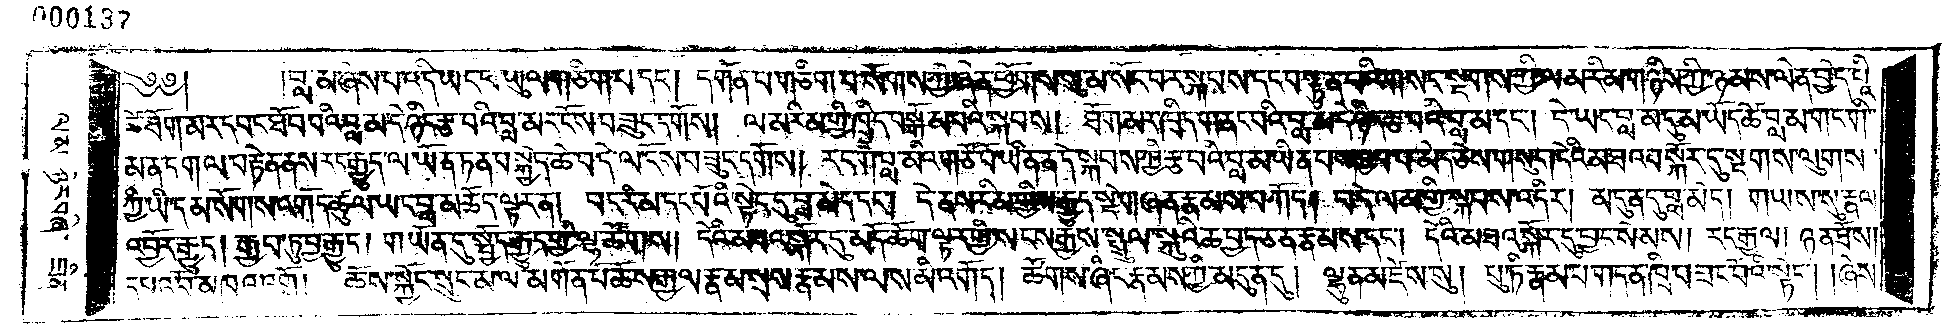༄༅། །བླ་མ་ཞེས་པ་འདི་ཡང་ཕ་ཡུལ་གཅིག་པ་དང་། དགོན་པ་གཅིག་པ་སོགས་ཀྱི་ཞེན་ཕྱོགས་སུམ་སོང་བར་སྐབས་དང་བསྟུན་པའི་གསང་སྔགས་ཀྱི་ལམ་རིམ་གཉིས་ཀྱི་ཉམས་ལེན་བྱེད་པའི་
ཚེ་ཐོག་མར་དབང་ཐོབ་པའི་བླ་མ་དེ་ཉིད་རྩ་བའི་བླ་མར་ངོས་བཟུང་དགོས། ལམ་རིམ་གྱི་ཁྲིད་བསྒོམ་པའི་སྐབས། ཐོག་མར་ཁྲིད་གནང་བའི་བླ་མ་དེ་ཉིད་རྩ་བའི་བླ་མ་དང་། དེ་ཡང་བླ་མ་དུ་མ་ཡོད་ཚེ་བླ་མ་གང་གི་
མན་ངག་ལ་བརྟེན་ནས་རང་རྒྱུད་ལ་ཡོན་ཏན་བསྐྱེད་ཆེ་བ་དེ་ལ་ངོས་བཟུང་དགོས། རང་གི་བླ་མའི་གཙོ་བོ་ཡིན་ན་དེ་སྐབས་ཀྱི་རྩ་བའི་བླ་མ་ཡིན་པས་ཁྱབ་པ་མེད་ཅེས་གསུང་། དེའི་མཐའ་བསྐོར་དུ་སྔགས་ལུགས་
ཀྱི་ཡི་དམ་སོགས་འགོད་ཚུལ་ཡང་བླ་མཆོད་ལྟར་ན། བང་རིམ་དང་པོའི་སྟེང་དུ་བླ་མེད་དང་། དེ་ནས་རིམ་གྱིས་རྒྱུད་སྡེ་གཞན་རྣམས་བཀོད། བདེ་ལམ་གྱི་སྐབས་འདིར། མདུན་དུ་བླ་མེད། གཡས་སུ་རྣལ་
འབྱོར་རྒྱུད། རྒྱབ་ཏུ་བྱ་རྒྱུད། གཡོན་དུ་སྤྱོད་རྒྱུད་ཀྱི་ལྷ་ཚོགས། དེའི་མཐའ་སྐོར་དུ་མདོ་ཆོག་ལྟར་གྱི་སངས་རྒྱས་སྤྲུལ་སྐུའི་ཆ་བྱད་ཅན་རྣམས་དང་། དེའི་མཐའ་སྐོར་དུ་བྱང་སེམས། རང་རྒྱལ། ཉན་ཐོས།
དཔའ་བོ་མཁའ་འགྲོ། ཆོས་སྐྱོང་སྲུང་མ་ལ་མགོན་པོ་ཆོས་རྒྱལ་རྣམ་སྲས་རྣམས་ལས་མི་འགོད། ཚོགས་ཞིང་རྣམས་ཀྱི་མདུན་དུ། ལྷུན་མཛེས་སུ། པུ་ཏི་རྣམ་པ་གདན་ཁྲི་བཟང་པོའི་སྟེང་། །ཞེས་